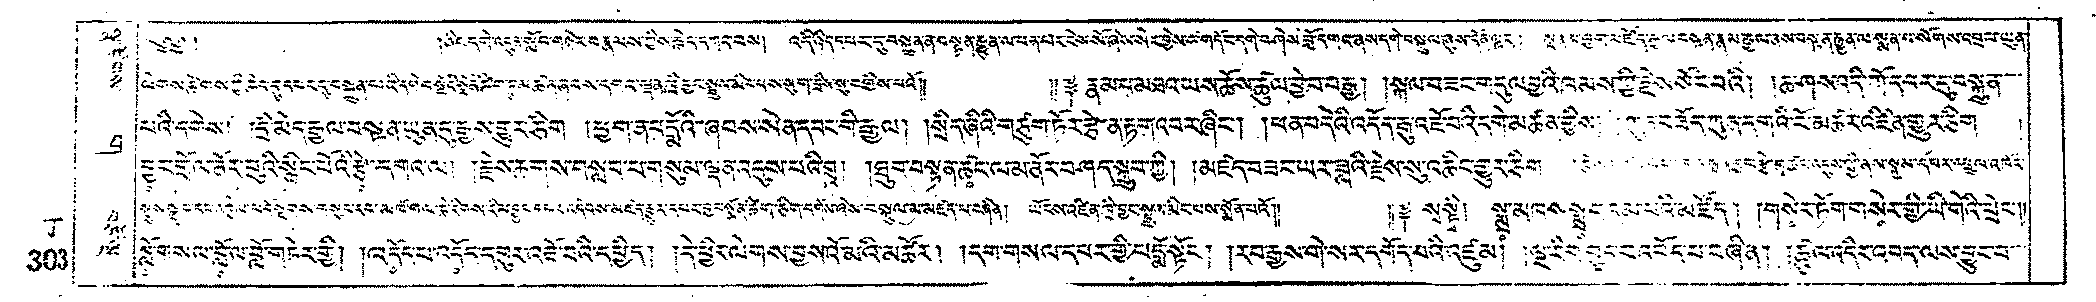༄༅། །ཞིང་དགེ་འདུན་སློབ་གཉེར་བ་རྣམས་ཀྱིས་རྙེད་དཀའ་བས། འདི་ཉིད་དཔར་དུ་བསྐྲུན་ན་བསྟན་རྒྱུན་ལ་ཕན་པར་ངེས་སོ་ཞེས་སེར་བྱེས་ཧ་གདོང་དགེ་བཤེས་བློ་དགའ་ནས་དགེ་བསྐུལ་ཞུས་དོན་ལྟར། ལྡན་མ་ཕྱག་མཛོད་རྒྱལ་ནས་བསྟན་རྒྱུན་ལ་སྨན་པ་སོགས་འབྲལ་ཡུན་
ལེགས་ཚོགས་ཀྱི་ཆེད་དུ་དཔར་དུ་བསྐྲུན་པའི་དགེ་བསྔོའི་སྨོན་ཚིག་ཏུ་མཚན་ཞབས་དགའ་ལྡན་ཁྲི་བྱང་སྤྲུལ་མིང་པས་སུག་བྲིས་སུ་བགྱིས་པའོ།། །།འ་རྣམ་པ་མཐའ་ཡས་ཆོས་ཚུལ་བྱེ་བ་བརྒྱ། །སྐལ་བཟང་གདུལ་བྱའི་ཁམས་ཀྱི་རྗེས་སོང་བའི། །ཆས་ཤས་འདི་ཀོ་དཔར་དུ་བསྐྲུན་་་
པའི་དགེས། །དྲི་མེད་རྒྱལ་བསྟན་ཡུན་དུ་རྒྱས་གྱུར་ཅིག །ཕྱག་ན་པདམོའི་ཞབས་སེན་དབང་གི་རྒྱལ། །སྲིད་ཞིའི་གཙུག་ཏོར་རྩེ་ན་རྟག་འབར་ཞིང་། །ཕན་བདེའི་འདོད་རྒུ་འཇོ་བའི་དགེ་མཚན་གྱིས། །ཀུན་བྑྲོད་ཀུན་དགའི་ངོ་མཚར་འཛིན་གྱུར་ཅིག ། བྱང྾་གྲོལ་ནོར་བུའི་སྙིང་པོའི་རྩེ྾་དགའ་ལ། །རྗེས་ཆགས་བསླབ་པ་གསུམ་ལྡན་འདུས་པའི་གྲ྾། །ཐུབ་བསྟན་ཚང྾་ལ་མ་ནོར་བཤད་སྒྲུབ་ཀྱི། །མཛད་བཟང་ཡར་ཟླའི་རྗེས་སུ་འཆིང་གྱུར་ཅིག །ཅེས་པ་འདི་ཡང་དགའ་ལྡན་རྩེ་གྲ་ཚང་འདུས་སྤྱི་ནས་སྣུམ་དཔར་འཕྲུལ་འཁོར་
སྤུས་སྒྲུབ་དང་འབྲེལ་མདོ་སྔགས་གསུང་རབ་མཁོ་གལ་ཆེ་རིགས་རིམ་བྱུང་དཔར་འདེབས་མཛད་རྒྱུར་དཔར་བྱང་སྨོན་ཚིག་ཅིག་དགོས་ཞེས་བསྐུལ་མ་མཛད་པ་བཞིན། །ཡོངས་འཛིན་ཁྲི་བྱང་སྤྲུལ་མིང་པས་སྨོན་པའོ།། །།འ་སྭསྟི། །སྨྲ྾་མཁས་སྨྲ྾་བ་དམ་པའི་མཛོད། །གསེར྾་ཏོག་གསེར྾་གྱི་ཡི་གེའི་ཕྲེང།།
བློ྾་གསལ་བློ྾་ལ་བློ་གཏེར་གྱི། །འདོད྾་པ་འདོད྾་དགུར་འཇོ་བའི་དཔྱིད། །དེ་ཕྱིར་ལེགས་བྱས་འོ་མའི་མཚོར། །དག་གསལ་དཔར་གྱི་པདམོ་སྟོང་། །རབ་རྒྱས་གསེར་དགོད་པའི་འཛུམ། །ལྔ་རིག་བུང་བ་འབོད་པ་བཞིན། །ཚུལ་འདིར་འབད་ལས་བྱུང་བ་་་